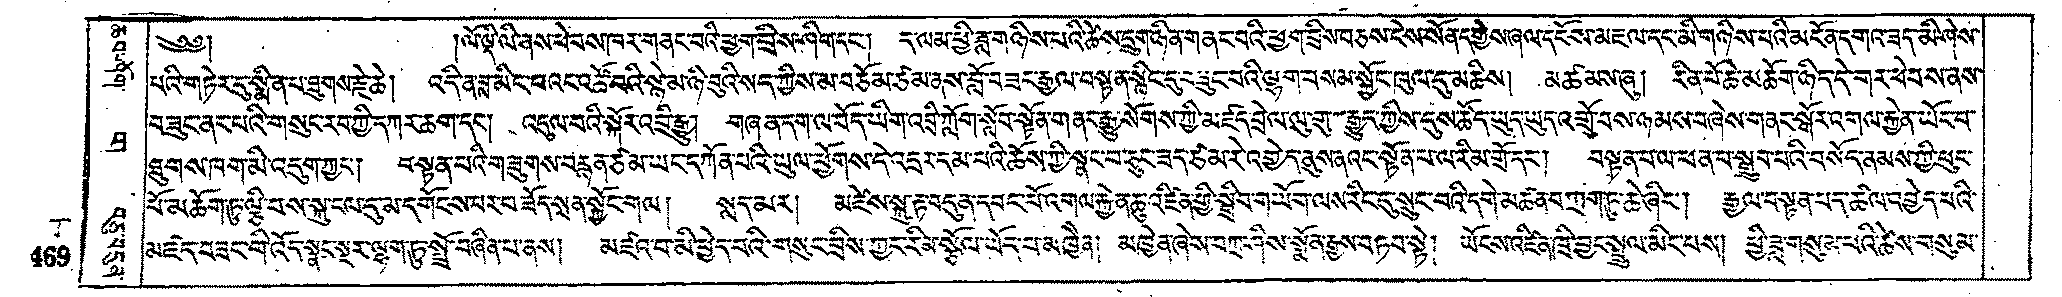༄༅། །ལོ་ལྡི་ལི་ནས་ཕེབས་ཁར་གནང་བའི་ཕྱག་བྲིས་ཤིག་དང་། ད་ལམ་ཕྱི་ཟླ་གཉིས་པའི་ཚེས་དྲུག་ཉིན་གནང་བའི་ཕྱག་བྲིས་བཅས་ངེས་སོན་དགྱེས་ཞལ་དངོས་མཇལ་དང་མི་གཉིས་པའི་མངོན་དགའ་ཟད་མི་ཤེས་
པའི་གཏེར་དུ་སྨིན་པ་ཐུགས་རྗེ་ཆེ། འདི་ན་བླ་མིང་པའང་འཚོ་བའི་སྙེ་མ་ཉི་བུའི་སད་ཀྱིས་མ་བཅོམ་ཙམ་ནས་བློ་བཟང་རྒྱལ་བསྟན་སྙིང་དུ་བཟུང་བའི་ལྷག་བསམ་སྐྱོང་ཁུལ་དུ་མཆིས། མཚམས་ཞུ། རིན་པོ་ཆེ་མཆོག་ཉིད་དེ་གར་ཕེབས་ནས་
བཟུང་ནས་པའི་གསུང་རབ་གྱི་དཀར་ཆག་དང་། འདུལ་བའི་སྐོར་འབྲི་རྒྱུ། གཞན་དག་ལ་བོད་ཡིག་འབྲི་ཀློག་སློབ་སྟོན་གནང་རྒྱུ་སོགས་ཀྱི་མཛད་བྲེལ་ལུ་གུ་་་རྒྱུད་ཀྱིས་དུས་ཚོད་ཡུད་ཡུད་འགྲོ་བས་ཉམས་བཞེས་གནང་སྒོར་འགལ་རྐྱེན་ཡོང་བ་
ཐུགས་ཁག་མི་འདུག་ཀྱང་། བསྟན་པའི་གཟུགས་བརྙན་ཙམ་ཡང་དཀོན་པའི་ཡུལ་ཕྱོགས་དེ་འདྲར་དམ་པའི་ཆོས་ཀྱི་སྣང་བ་ཅུང་ཟད་ཙམ་རེ་འགྱེད་ནུས་ནའང་སྟོན་པ་ལ་རིམ་གྲོ་དང་། བསྟན་པ་ལ་ཕན་པ་སྒྲུབ་པའི་བསོད་ནམས་ཀྱི་ཕུང་
པོ་མཆོག་ཏུ་ལྕི་པས་སྐུ་ངལ་དུ་མ་དགོངས་པར་བཟོད་སྲན་སྐྱོང་གལ། སླད་མར། མཛེས་སྐུ་རྟ་བདུན་དབང་པོ་འགལ་རྐྱེན་ཆུ་འཛིན་གྱི་སྒྲིབ་གཡོག་ལས་རིང་དུ་སྲུང་བའི་དགེ་མཚན་བཀྲག་ཏུ་ཆེ་ཞིང་། རྒྱལ་བསྟན་པད་ཚལ་འབྱེད་པའི་
མཛད་བཟང་གི་འོད་སྣང་སྔར་ལྷག་ཏུ་སྤྲོ་བཞིན་པ་ནས། མཛའ་བ་མི་ཕྱེད་པའི་གསུང་བྲིས་ཀྱང་རིམ་སྩོལ་ཡོད་པ་མཁྱཻན། མཁྱེན་ཞེས་བཀྲ་ཤིས་སྨོན་རྒྱས་བཏབ་སྟེ། ཡོངས་འཛིན་ཁྲི་བྱང་སྤྲུལ་མིང་པས། ཕྱི་ཟླ་གསུམ་པའི་ཚེས་གསུམ་